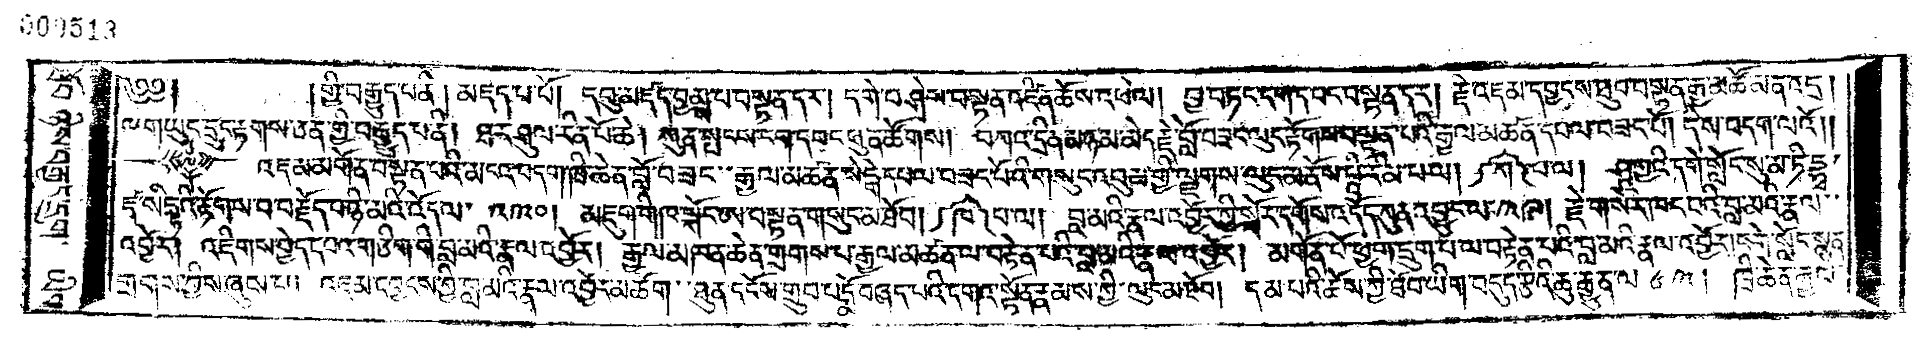༄༅། །གྱི་བརྒྱུད་པ་ནི། མཛད་པ་པོ། །དབུ་མཛད་བྱམས་པ་བསྟན་དར། དགེ་བཤེས་བསྟན་འཛིན་ཆོས་འཕེལ། བྱ་བཏང་ངག་དབང་བསྟན་དར། རྗེ་འཇམ་དབྱངས་ཐུབ་བསྟན་རྒྱ་མཚོ་མན་འདྲ།
༧་གཡུང་དྲུང་རྟགས་ཅན་གྱི་བརྒྱུད་པ་ནི། ཐར་ཤུལ་རིན་པོ་ཆེ། ཀུན་སྤངས་ངག་དབང་ཕུན་ཚོགས། བཀའ་དྲིན་མཉམ་མེད་རྗེ་བློ་བཟང་ལུང་རྟོགས་བསྟན་པའི་རྒྱལ་མཚན་དཔལ་བཟང་པོ། དེག་བདག་ལའོ། །
༈ འཇམ་མགོན་བསྟན་པའི་མངའ་བདག་ཁྲི་ཆེན་བློ་བཟང་རྒྱལ་མཚན་སེངྒེ་དཔལ་བཟང་པོའི་གསུང་འབུམ་གྱི་ལྗགས་ལུང་མནོས་པཱི་རིམ་པ་ལ། ༼ཀ༽ པ་ལ། ཤཱཀྱའི་དགེ་སློང་སུ་མ་ཏིདྷྭ་
ཛ་སིདྲྷའི་རྟོགས་བ་བརྗོད་པ་ཉི་མའི་འོད་ལ ༢༣༠། མཇུག་གི་ཁ་སྐོང་ཨ་བསྟན་གསུང་མ་ཐོབ། ༼ཁ༽ པ་ལ། བཱ་མའི་རྣལ་འབྱོར་ཀྱི་སྐོར་དགོས་འདོད་ཀུན་འབྱུང་ལ ༣༩། རྗེ་གསེར་ཁང་བའི་བླ་མའི་རྣལ་
འབྱོར། འཇིགས་བྱེད་དཔའ་གཅིག་གི་བླ་མའི་རྣལ་འབྱོར། རྒྱལ་མཁན་ཆེན་གྲགས་པ་རྒྱལ་མཚན་ལ་བརྟེན་པའི་བླ་མའི་རྣལ་འབྱོར། མགོན་པོ་ཕྱག་དྲུག་པ་ལ་བརྟེན་པའི་བླ་མའི་རྣལ་འབྱོར། དགེ་སློང་སྙན་
གྲགས་ཀྱིས་ཞུས་པ། འཇམ་དབྱངས་ཀྱི་བླ་མའི་རྣལ་འབྱོར་མཆོག་ཐུན་དངོས་གྲུབ་པདམོ་བཞད་པའི་དགའ་སྟོན་རྣམས་ཀྱི་ལུང་མ་ཐོབ། དམ་པའི་ཆོས་ཀྱི་ཐོབ་ཡིག་བདུད་རྩིའི་ཆུ་རྒྱུན་ལ ༦༣། ཁྲི་ཆེན་རྒྱལ་